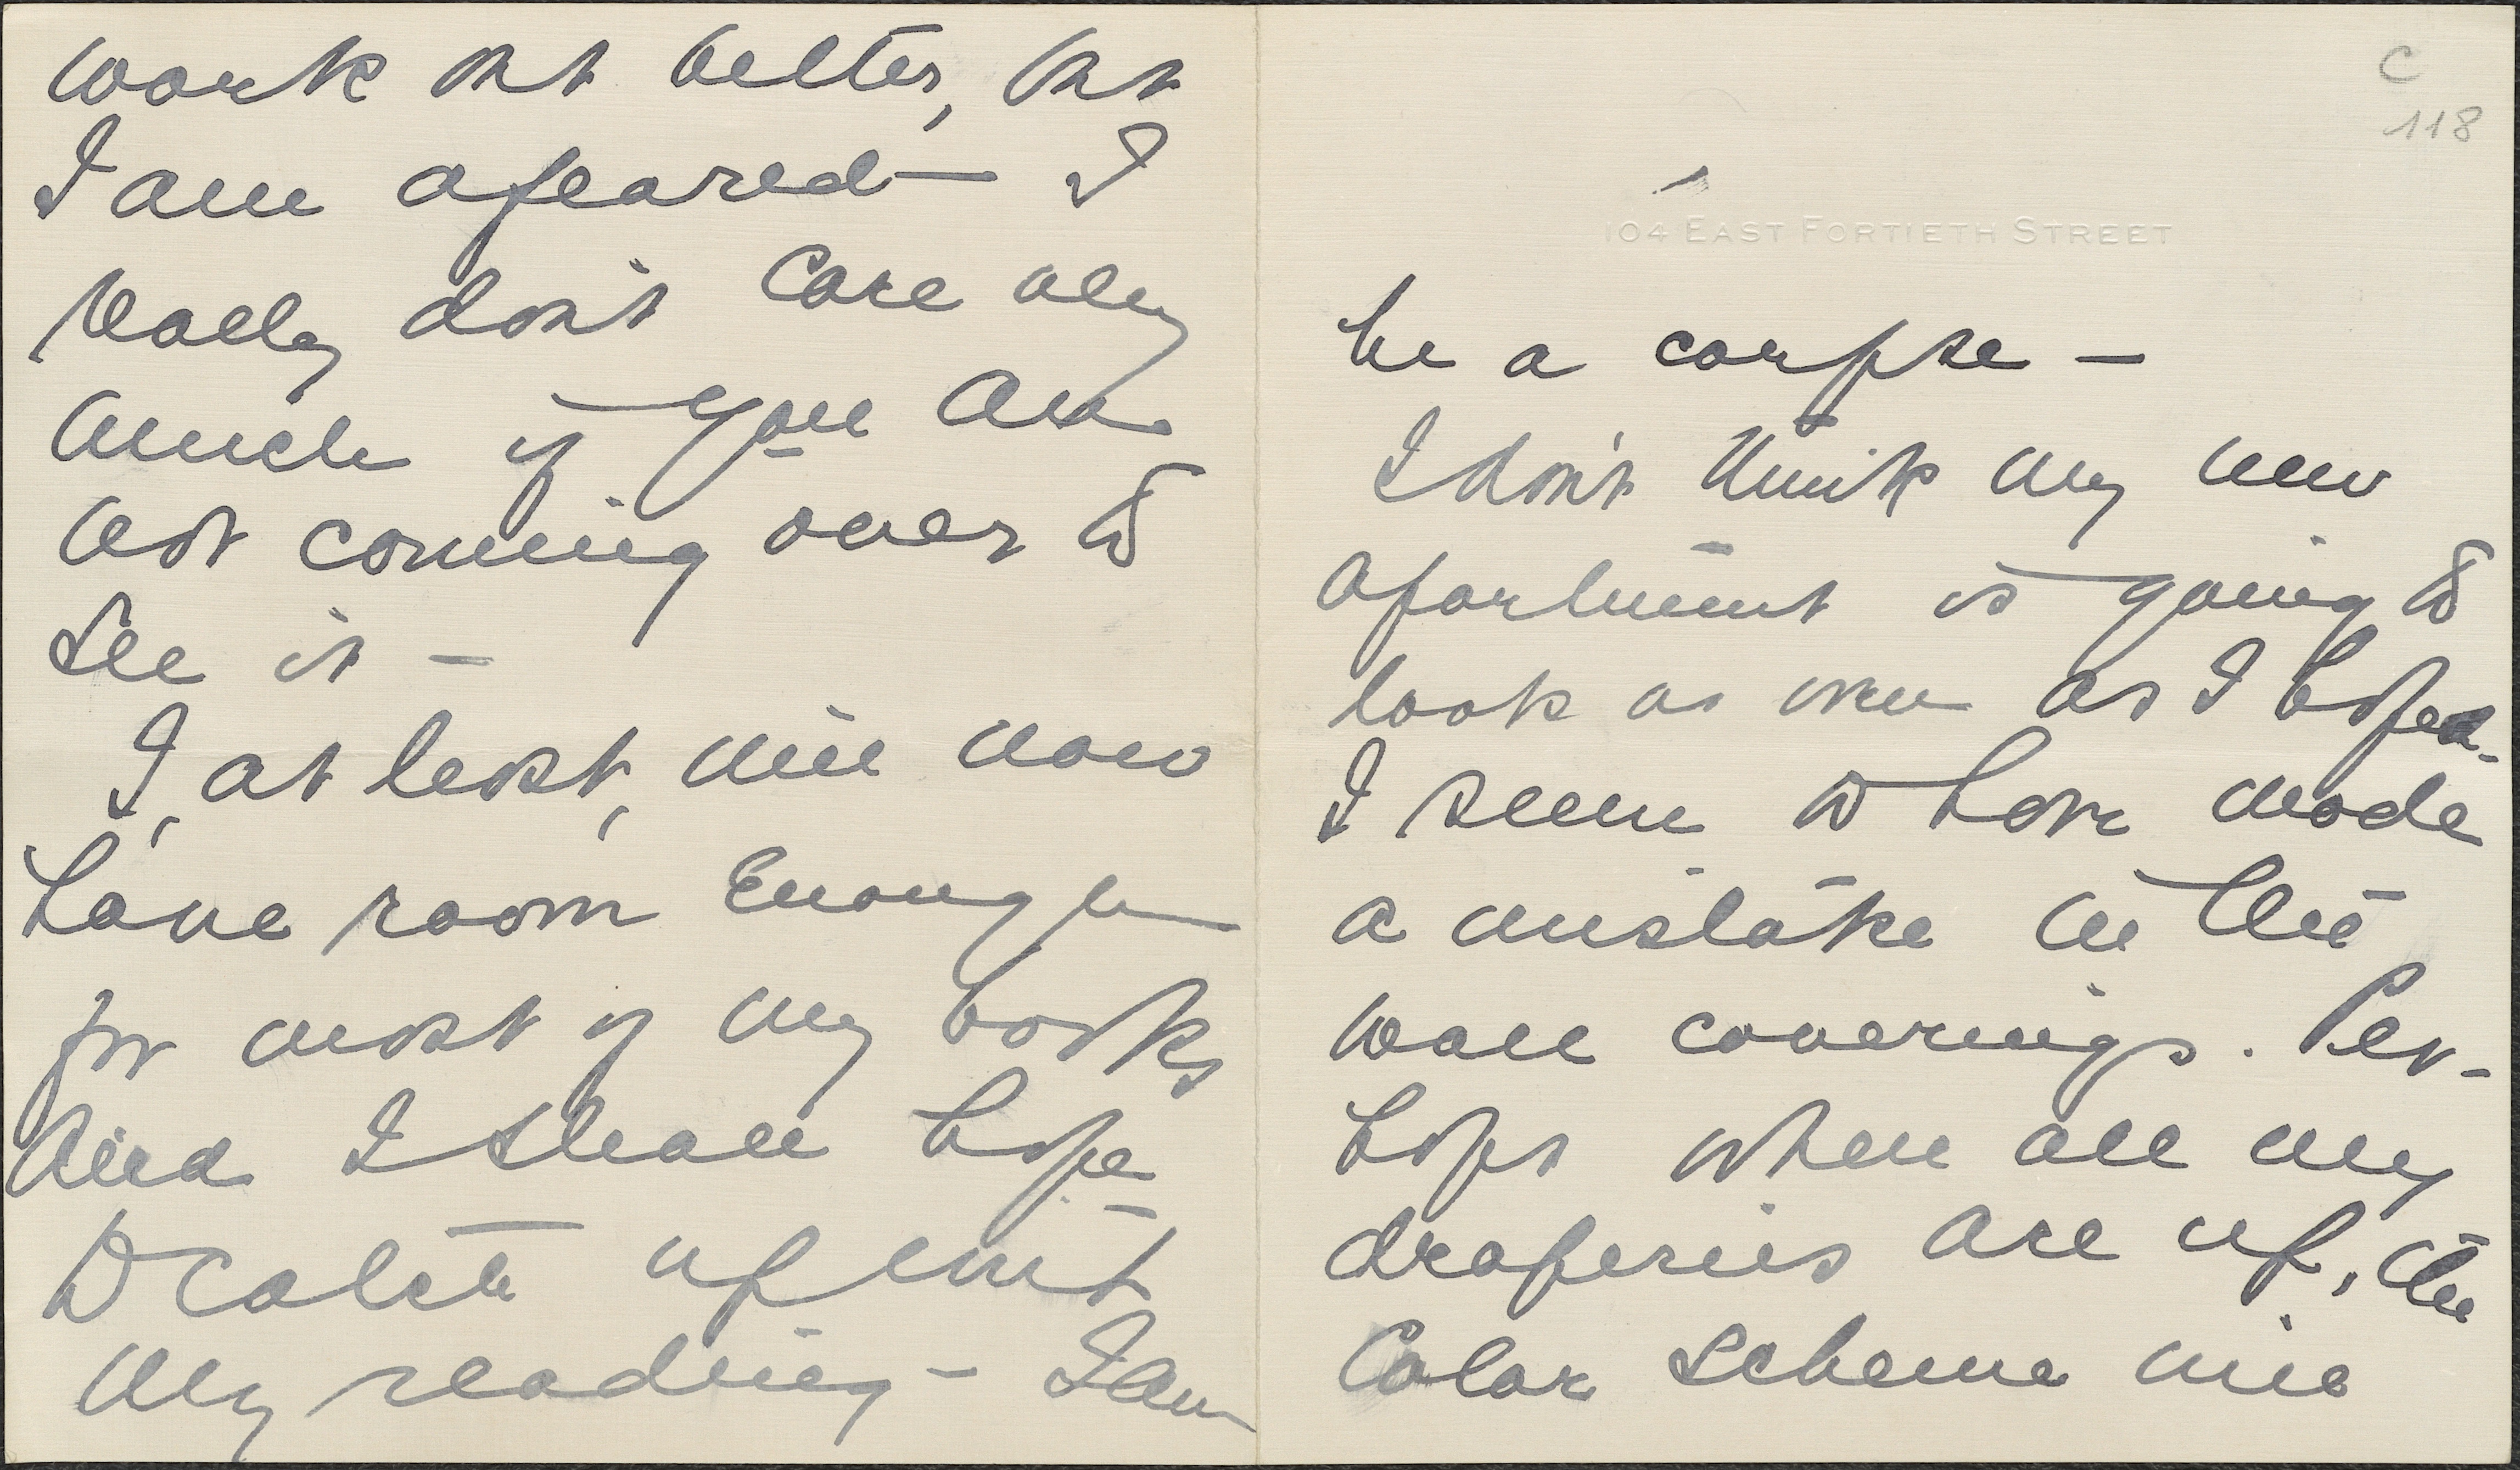be a corpse –
I don’t think my new apartment is going to look as new as I hoped. I seem to have made a mistake in the wall coverings. Perhaps where all my draperies are up, the color scheme will
work out better, but I am afeared – I really don’t care very much if you are not coming over to see it –
I, at least, will now have room enough for most of my books and I shall hope to catch up with my reading – I am